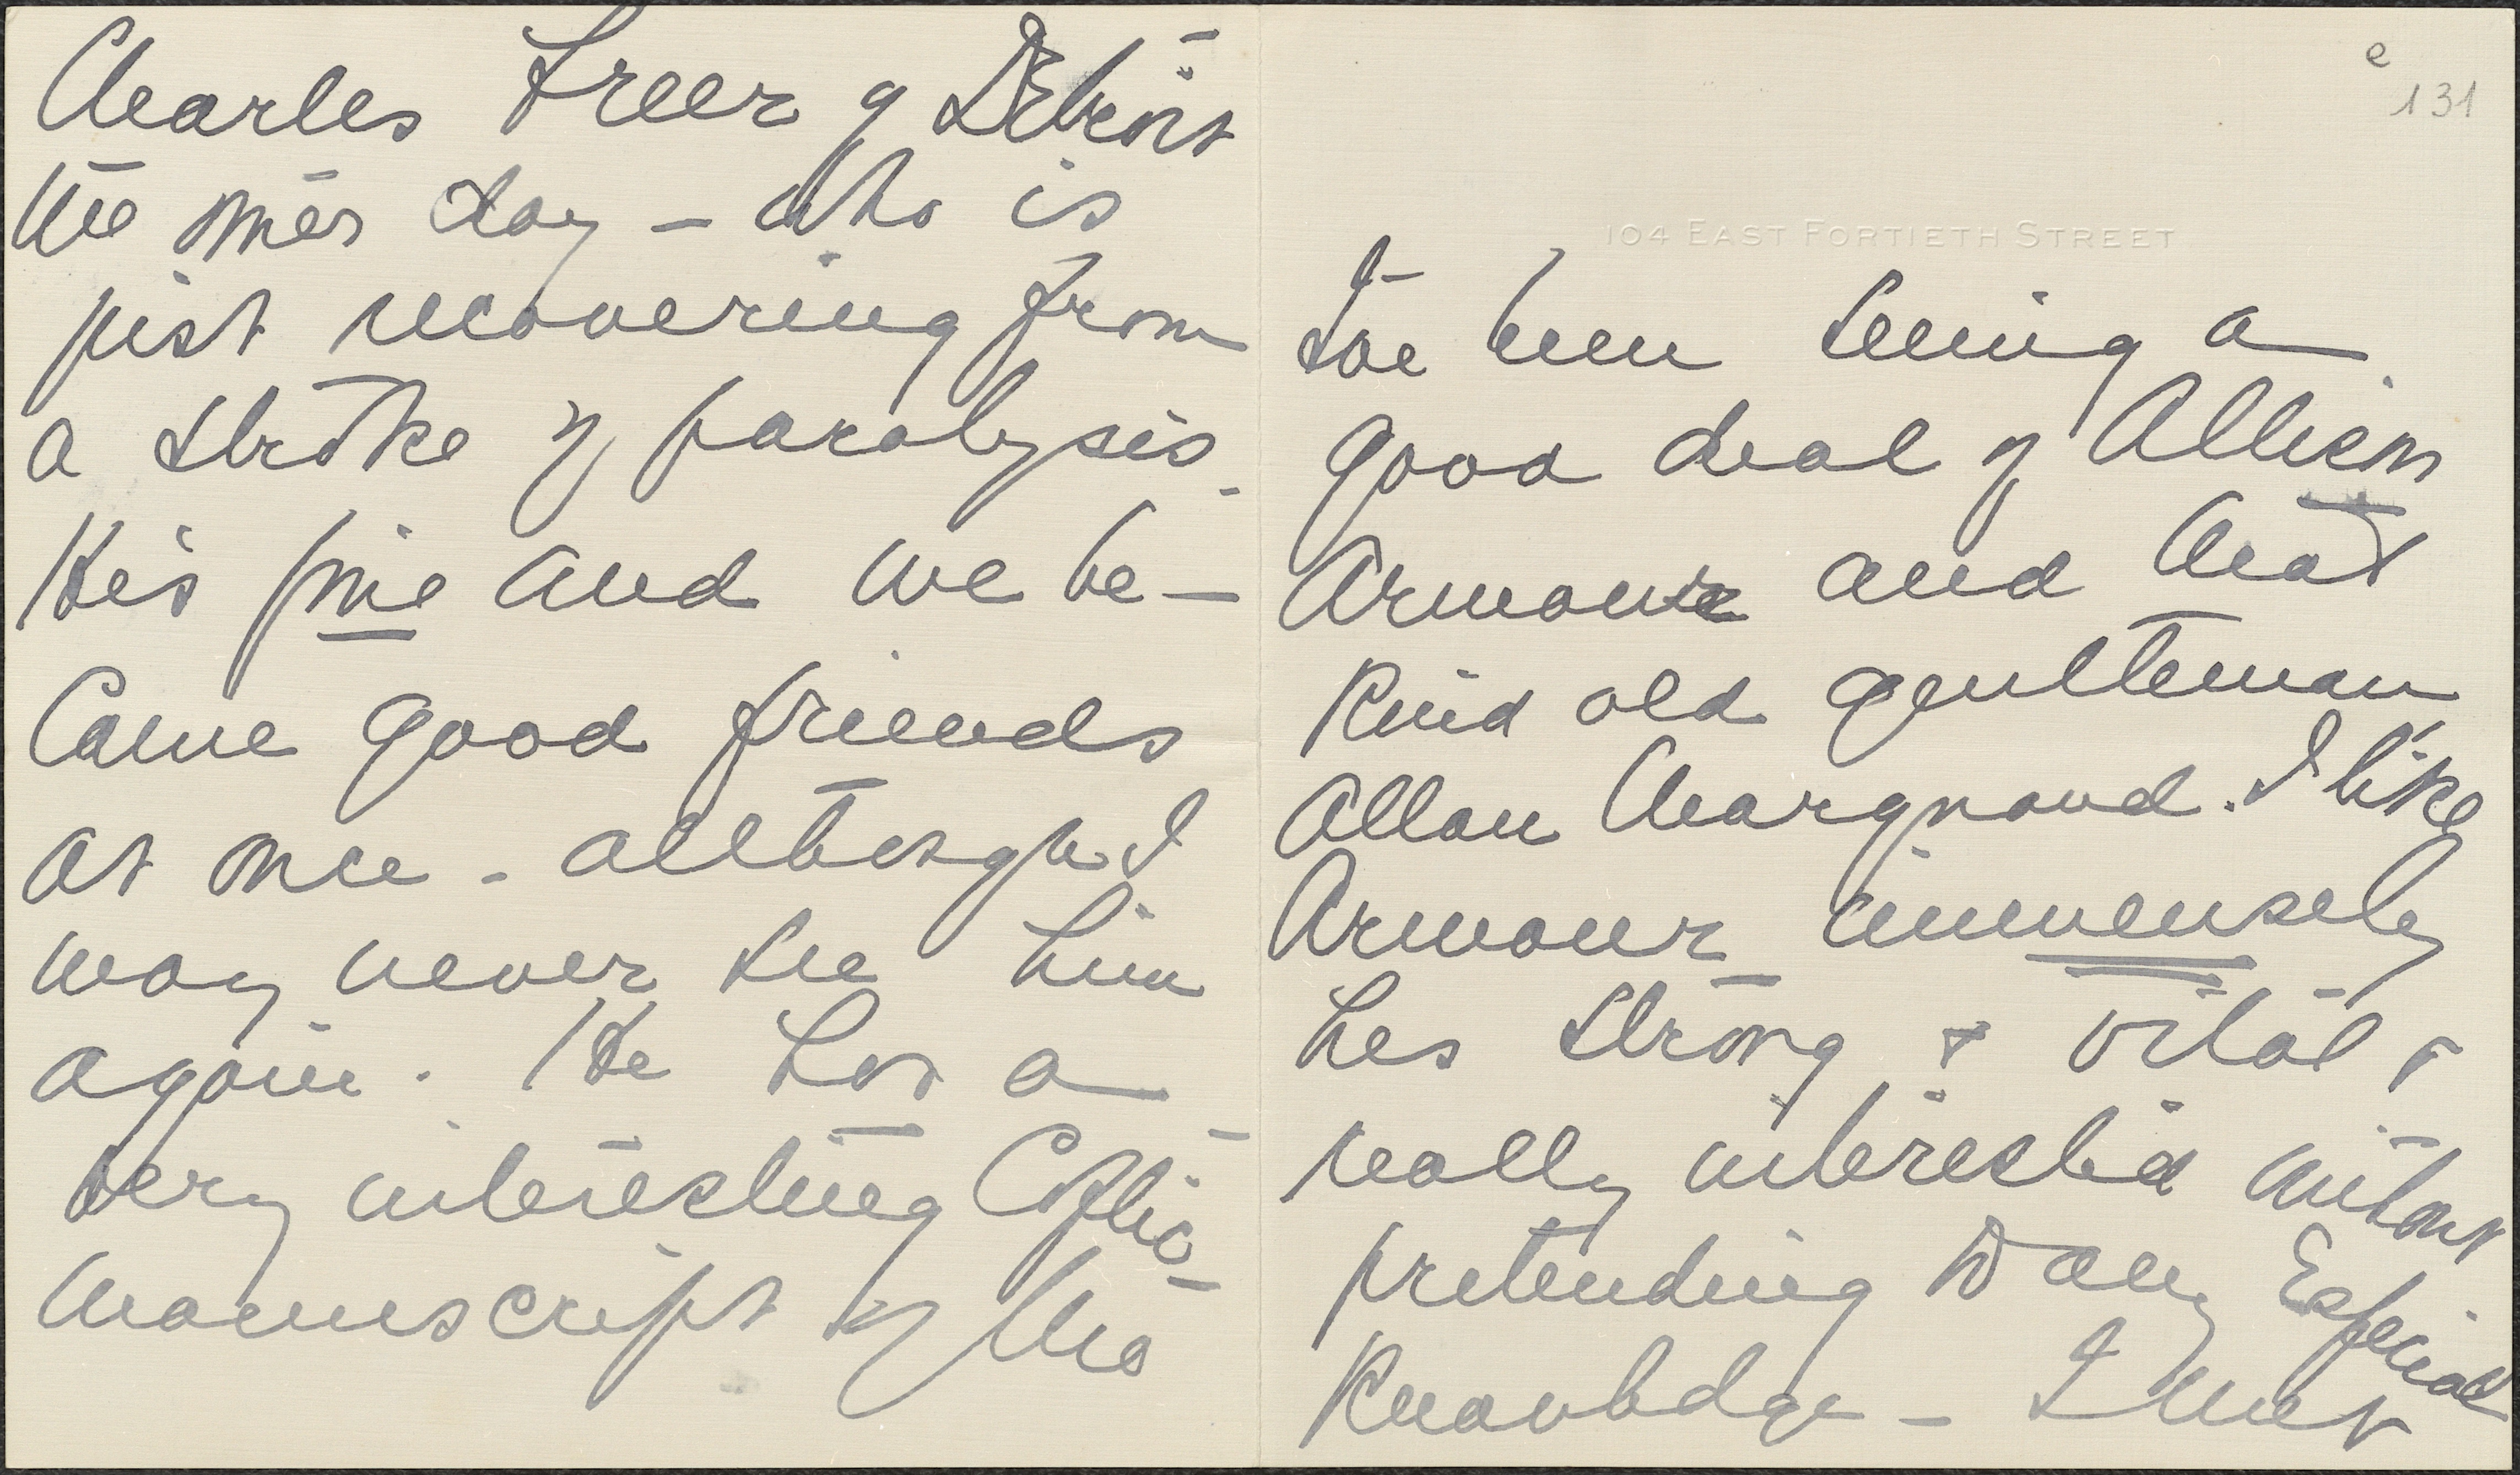I’ve been seeing a good deal of Allison Armour and that kind old gentleman Allan Marquand. I like Armour [double underlined: immensely] hes [sic] strong & vital & really interested without pretending to any especial knowledge – I met
Charles Freer of Detroit the other day – who is just recovering from a stroke of paralysis. He’s fine and we became good friends at once – although I may never see him again. He has a very interesting Coptic manuscripts of the